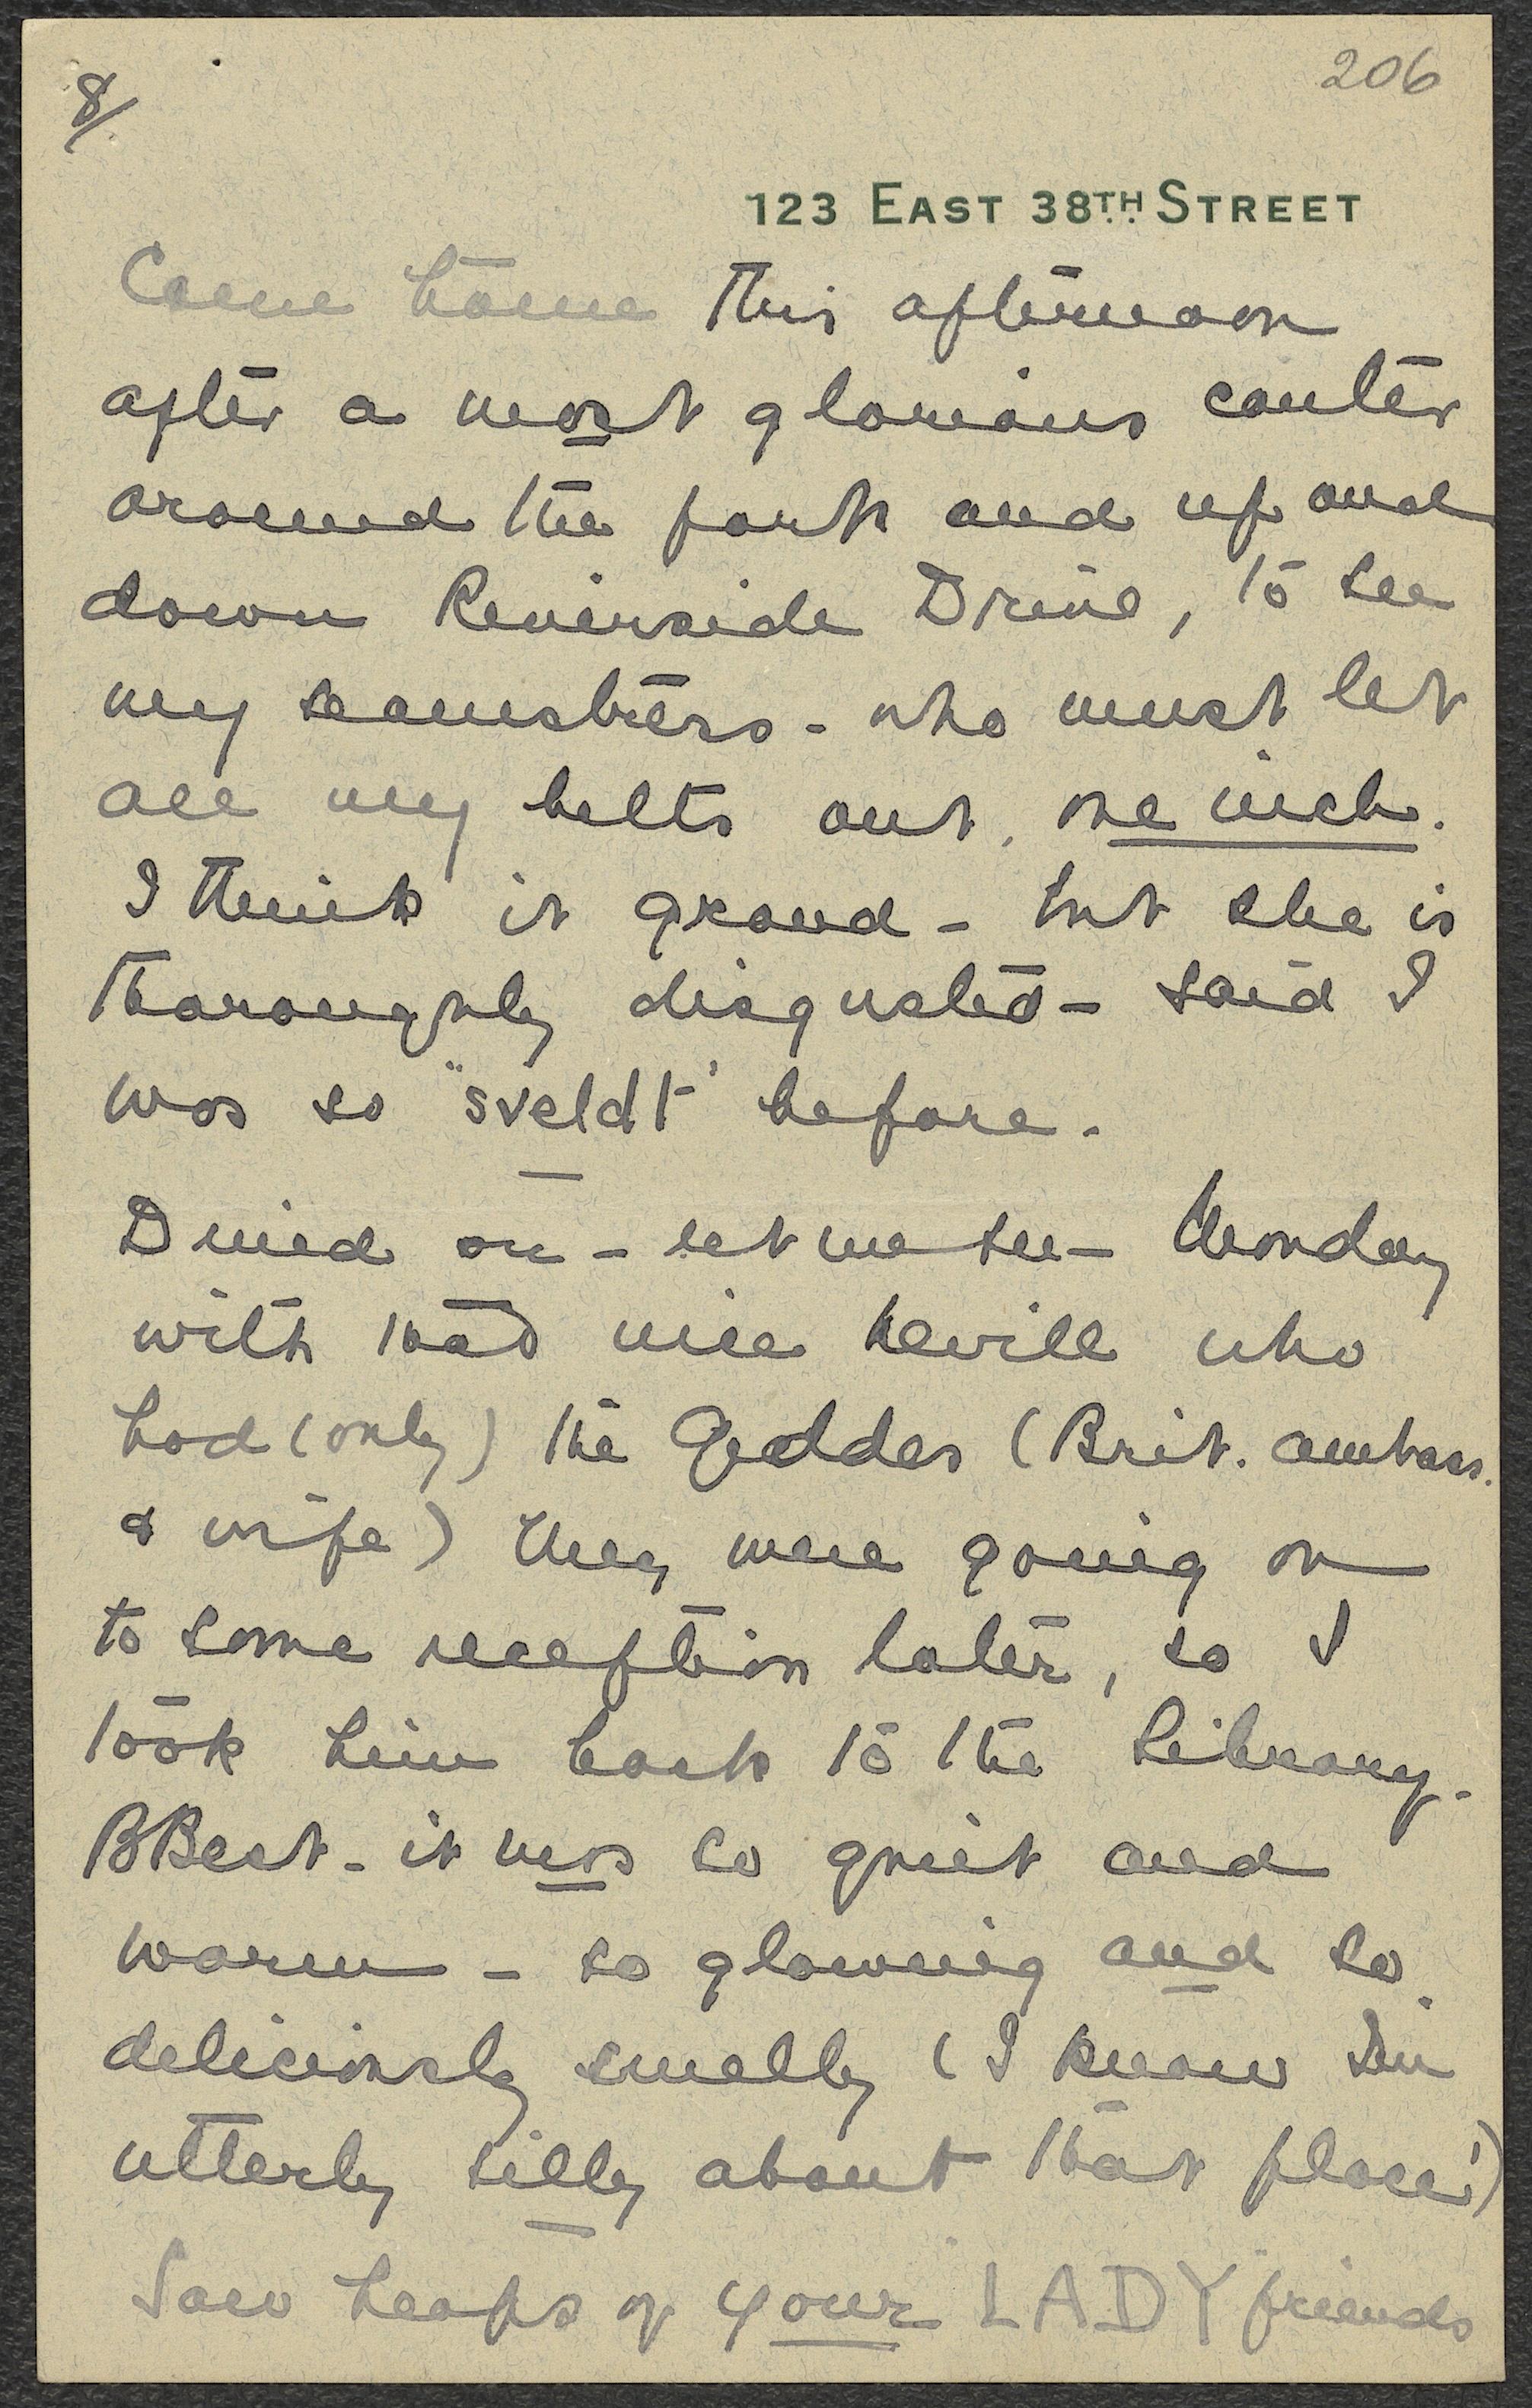came home this afternoon after a most glorious canter around the park and up and down Riverside Drive, to see my seamstress – who must let all my belts out, one inch. I think it grand – but she is thoroughly disgusted – said I was so “sveldt” before –
Dined on – let me see – Monday with that wise Nevill who had (only) the Geddes (Brit. Ambass. & wife) They were going on to some reception later, so I took him back to the Library – BBest – it was so quiet and warm – so glowing and so deliciously smelly (I know I’m utterly silly about that place!) Saw heaps of your [in print: LADY] friends